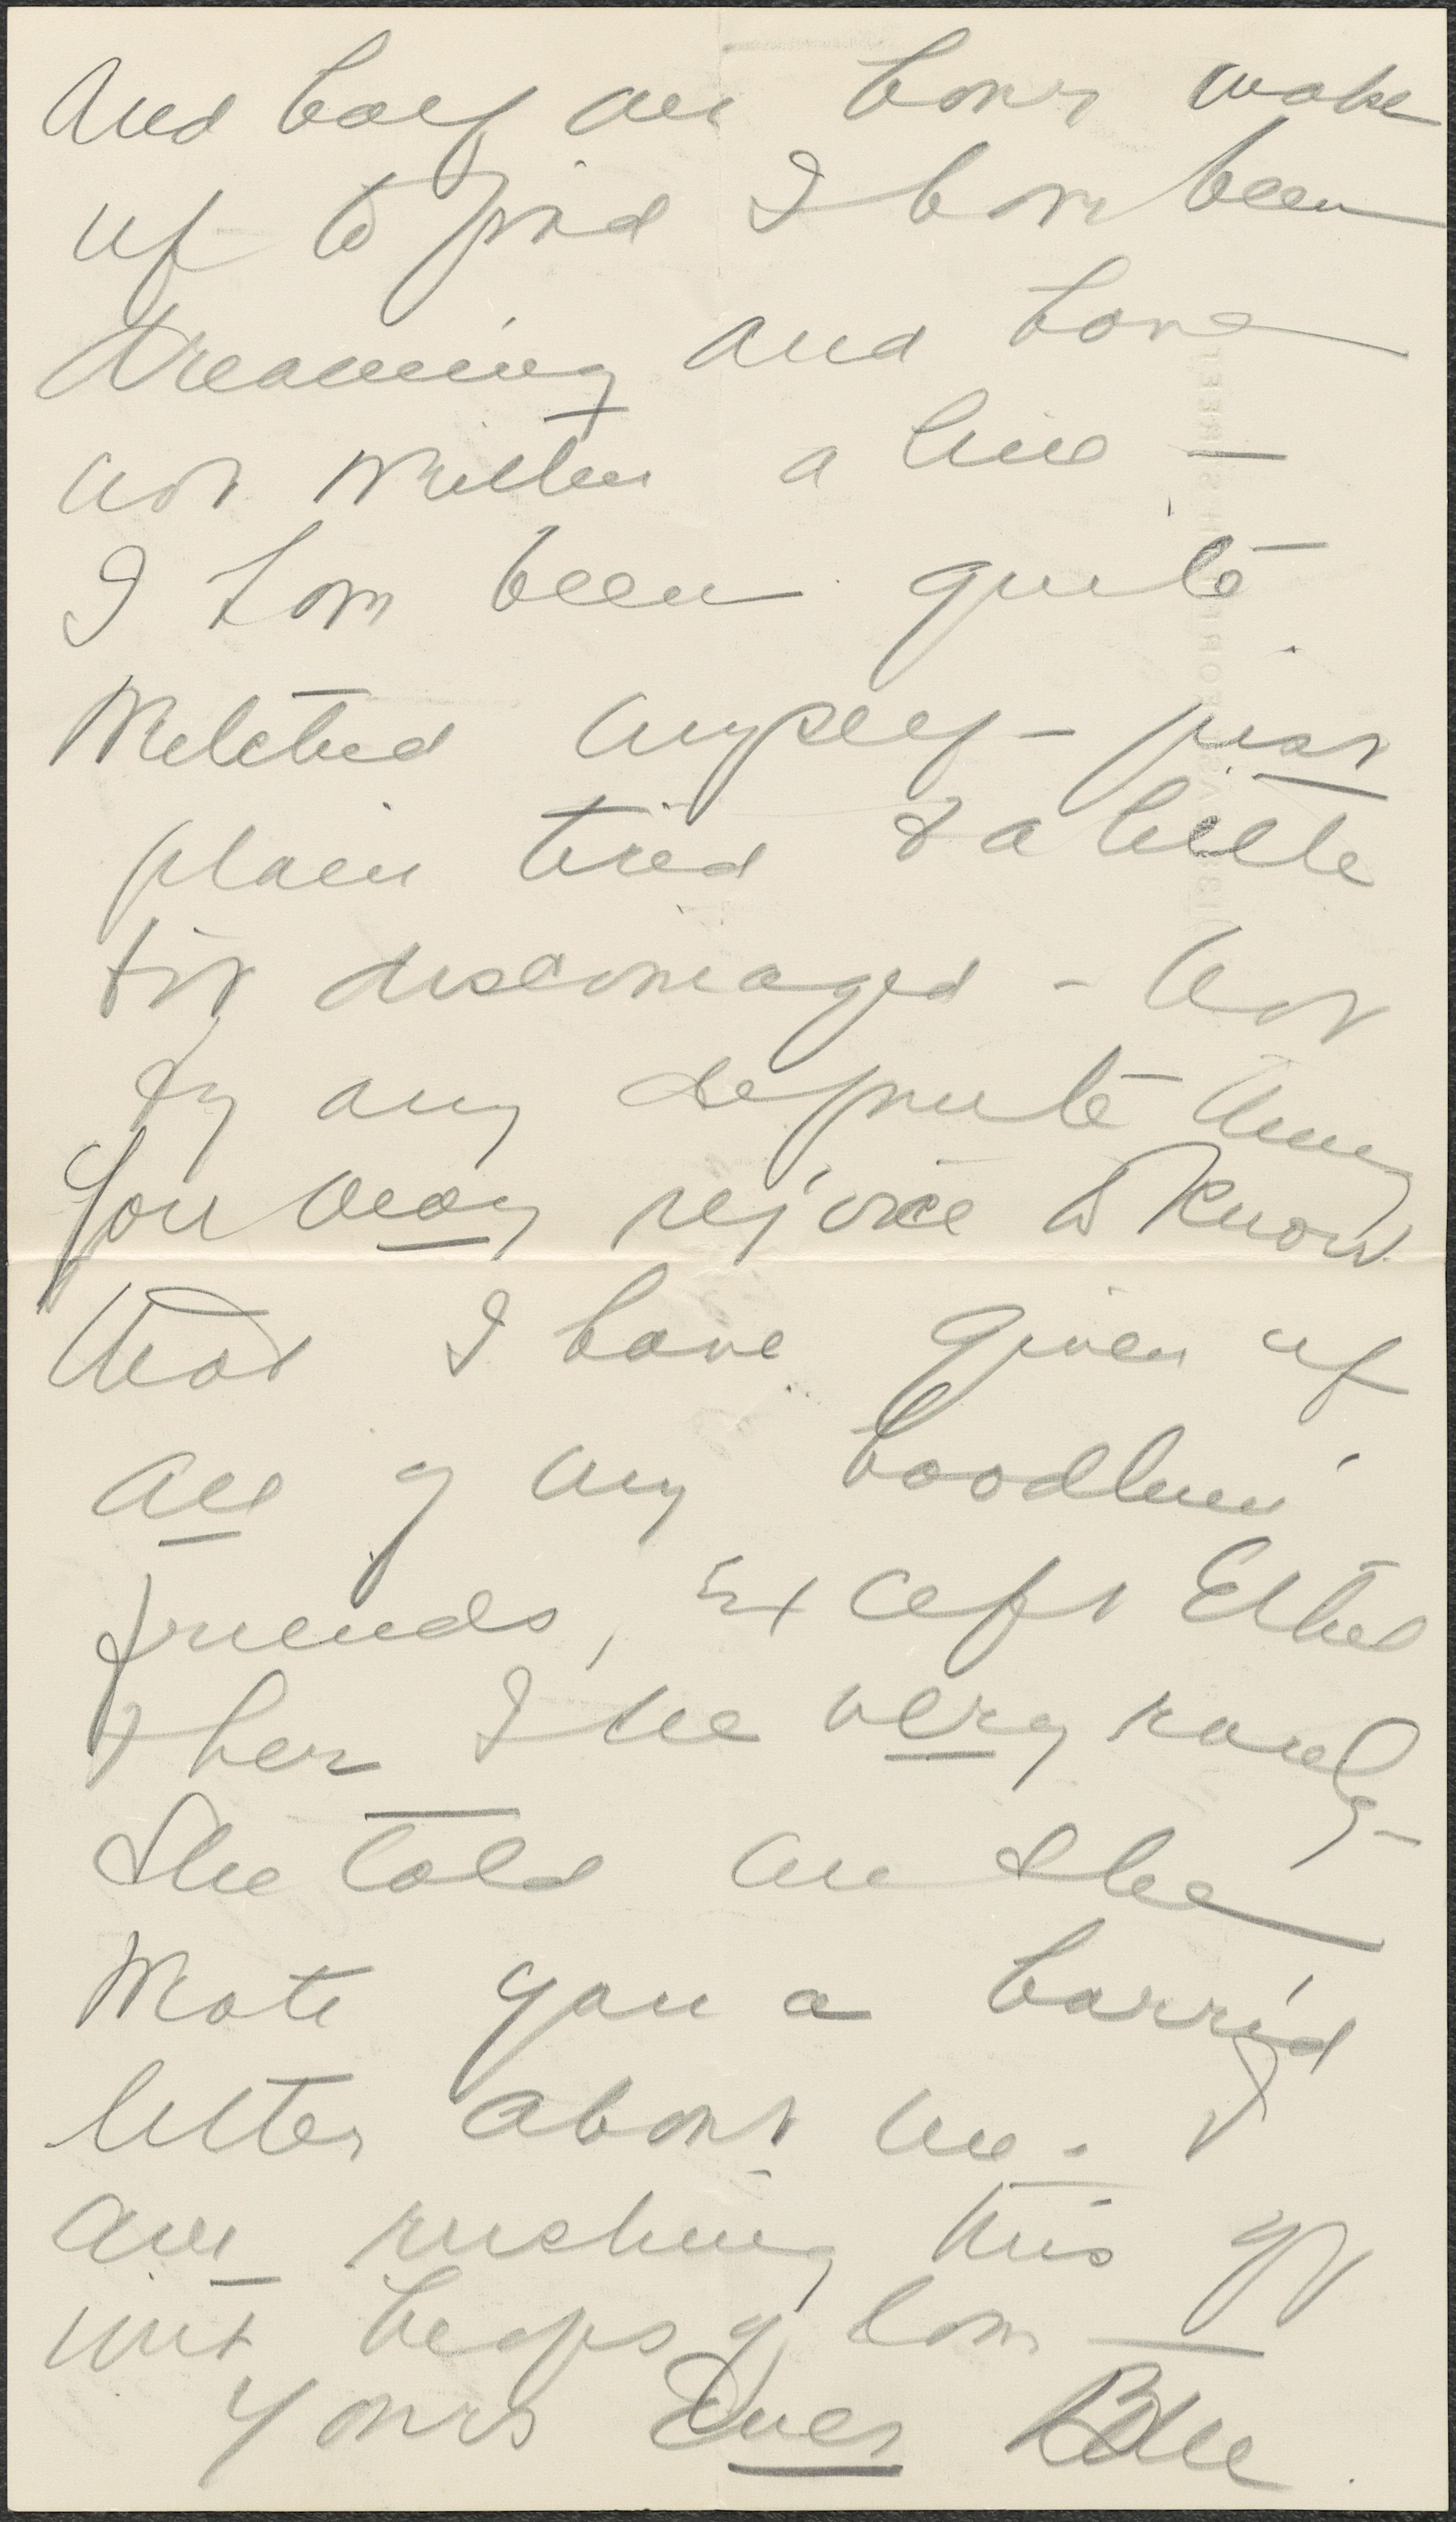and half an hour wake up to find I have been dreaming and have not written a line – I have been quite wretched myself – just plain tired & a little bit discouraged – Not by any definite thing You may rejoice to know that I have given up all of my hoodlum friends, except Ethel & her I see very rarely – She told me she wrote you a horrid letter about me – I am rushing this with heaps of love –
Yours Ever Belle.